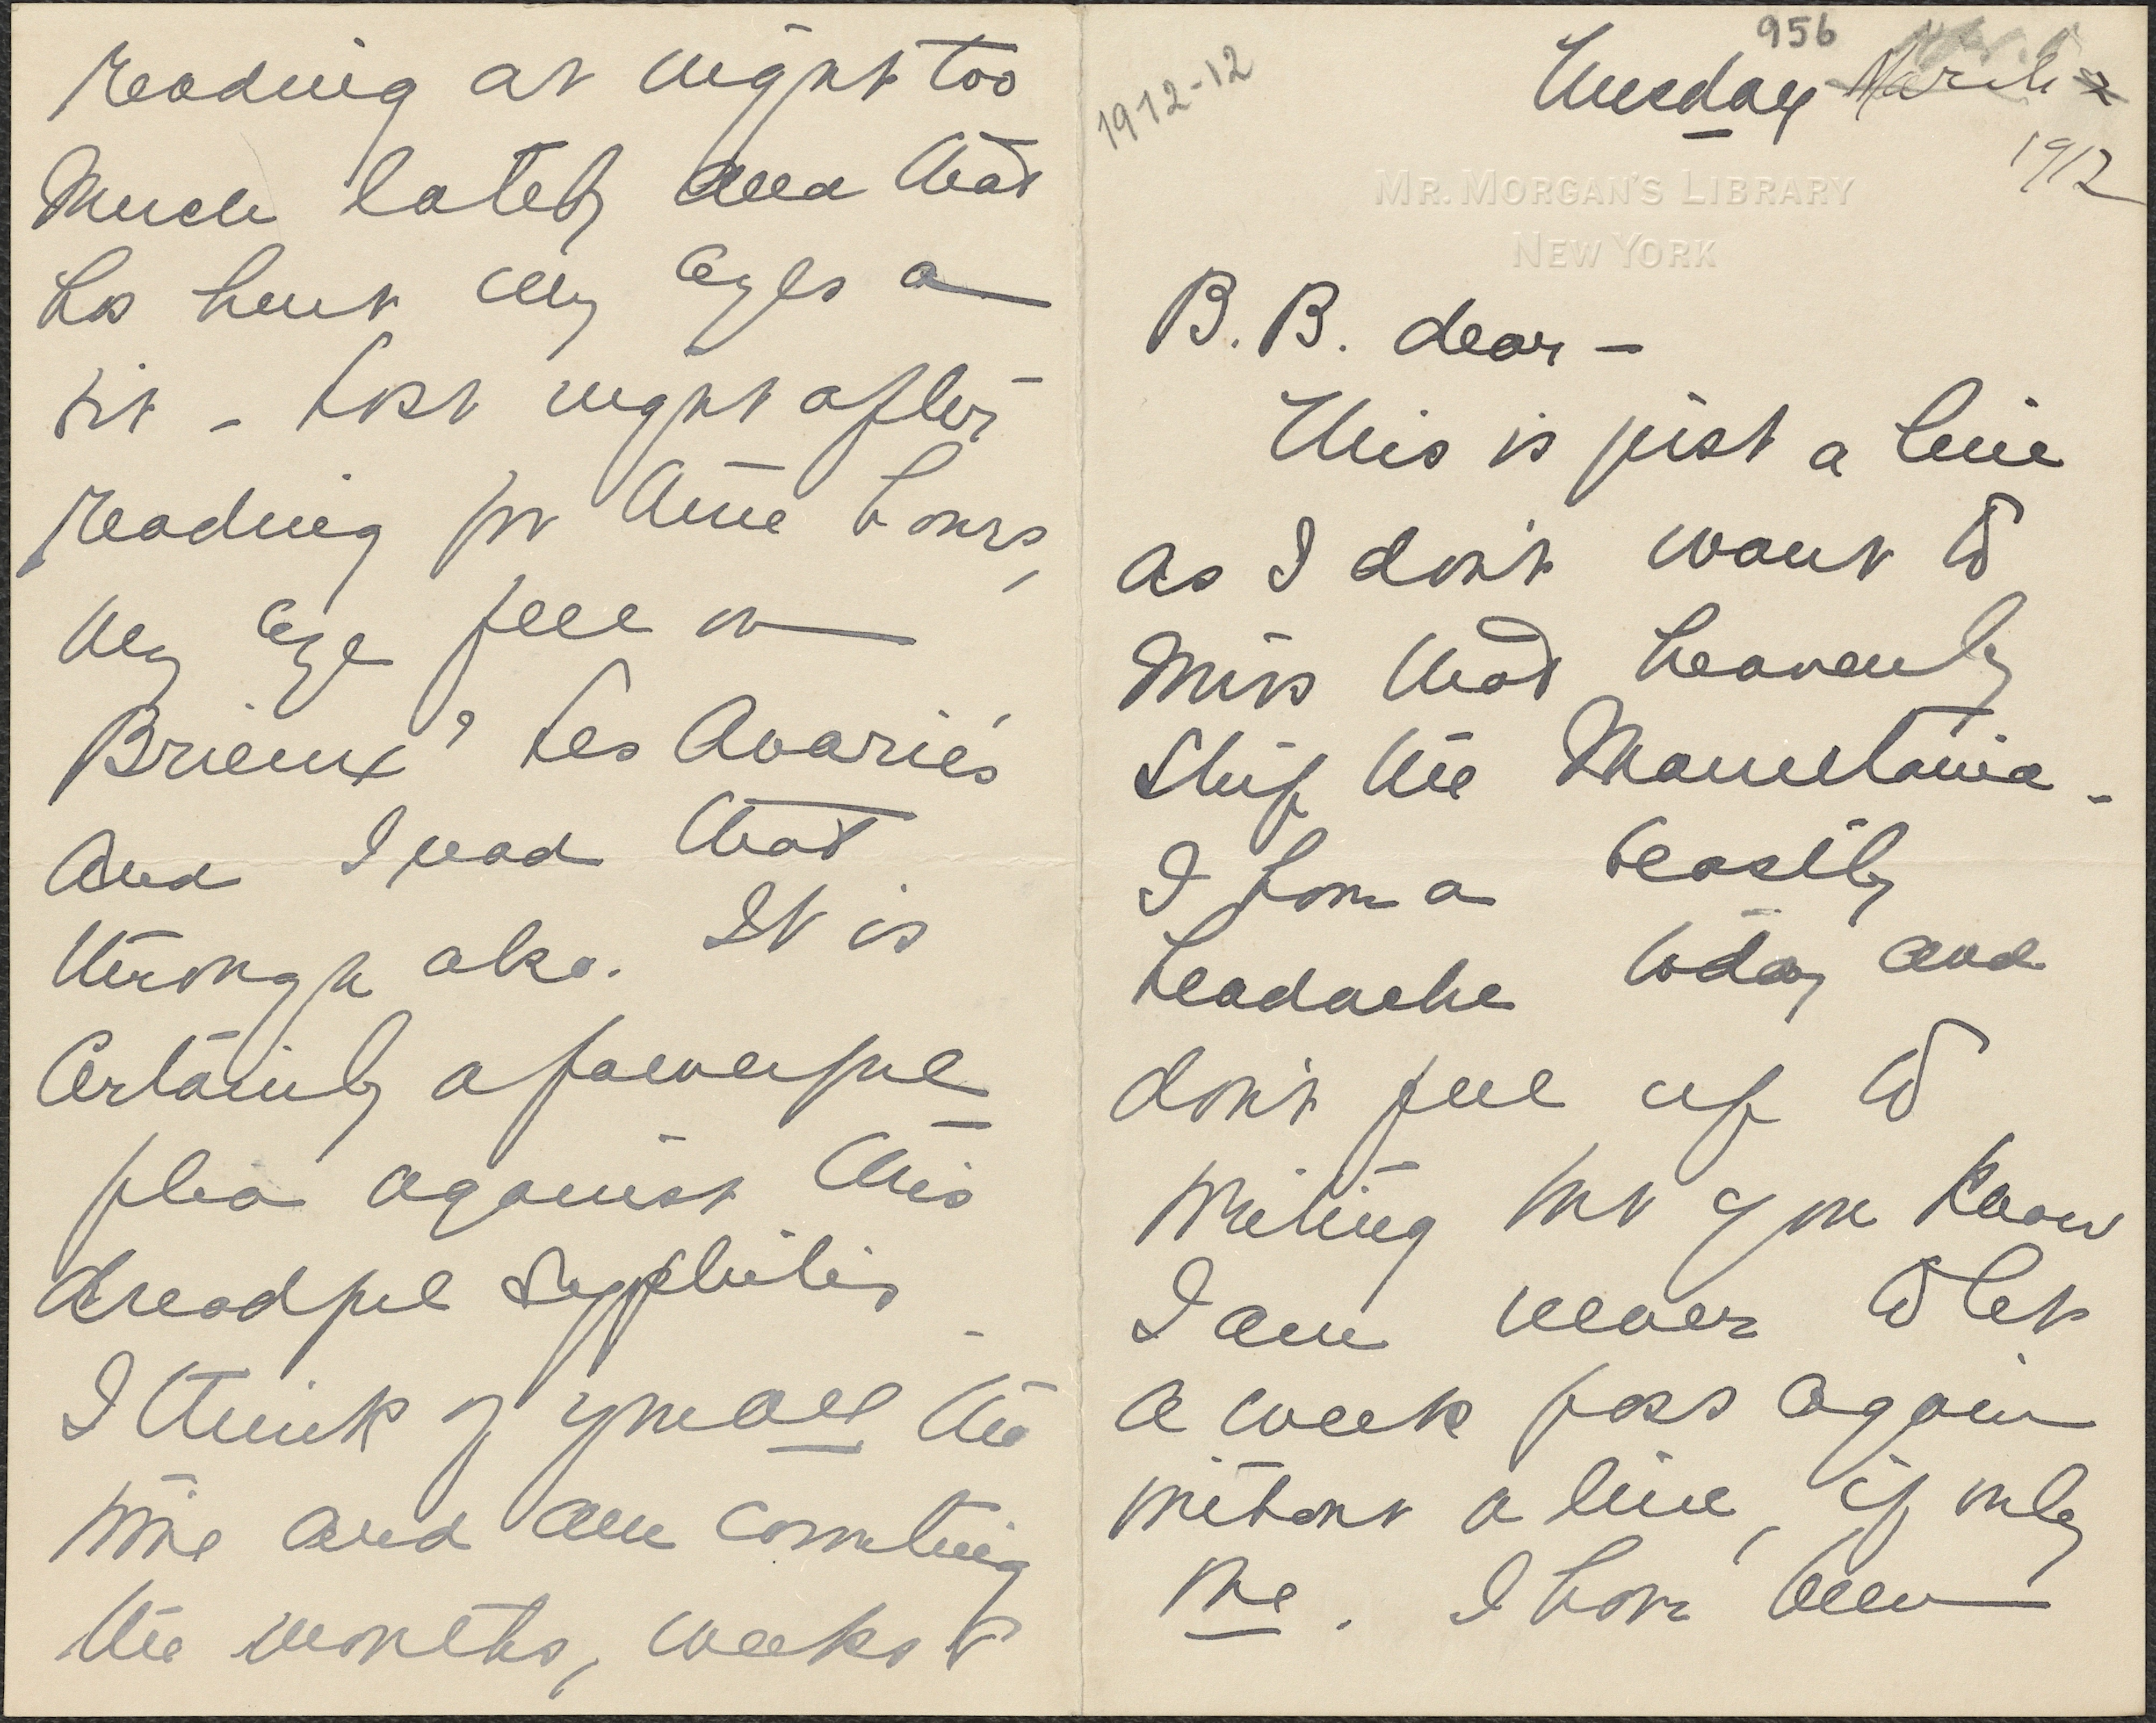Tuesday
B. B. dear –
This is just a line as I don’t want to miss that heavenly ship the Mauretania – I have a beastly headache today and don’t feel up to writing but you know I am never to let a week pass again without a line, if only one. I have been
reading at night too much lately and that has hurt my eyes a bit – Last night after reading for three hours, my eye fell on Brieux’ Les Avariés and I read that through also. It is certainly a powerful plea against this dreadful syphilis –
I think of you all the time and am counting the months, weeks &